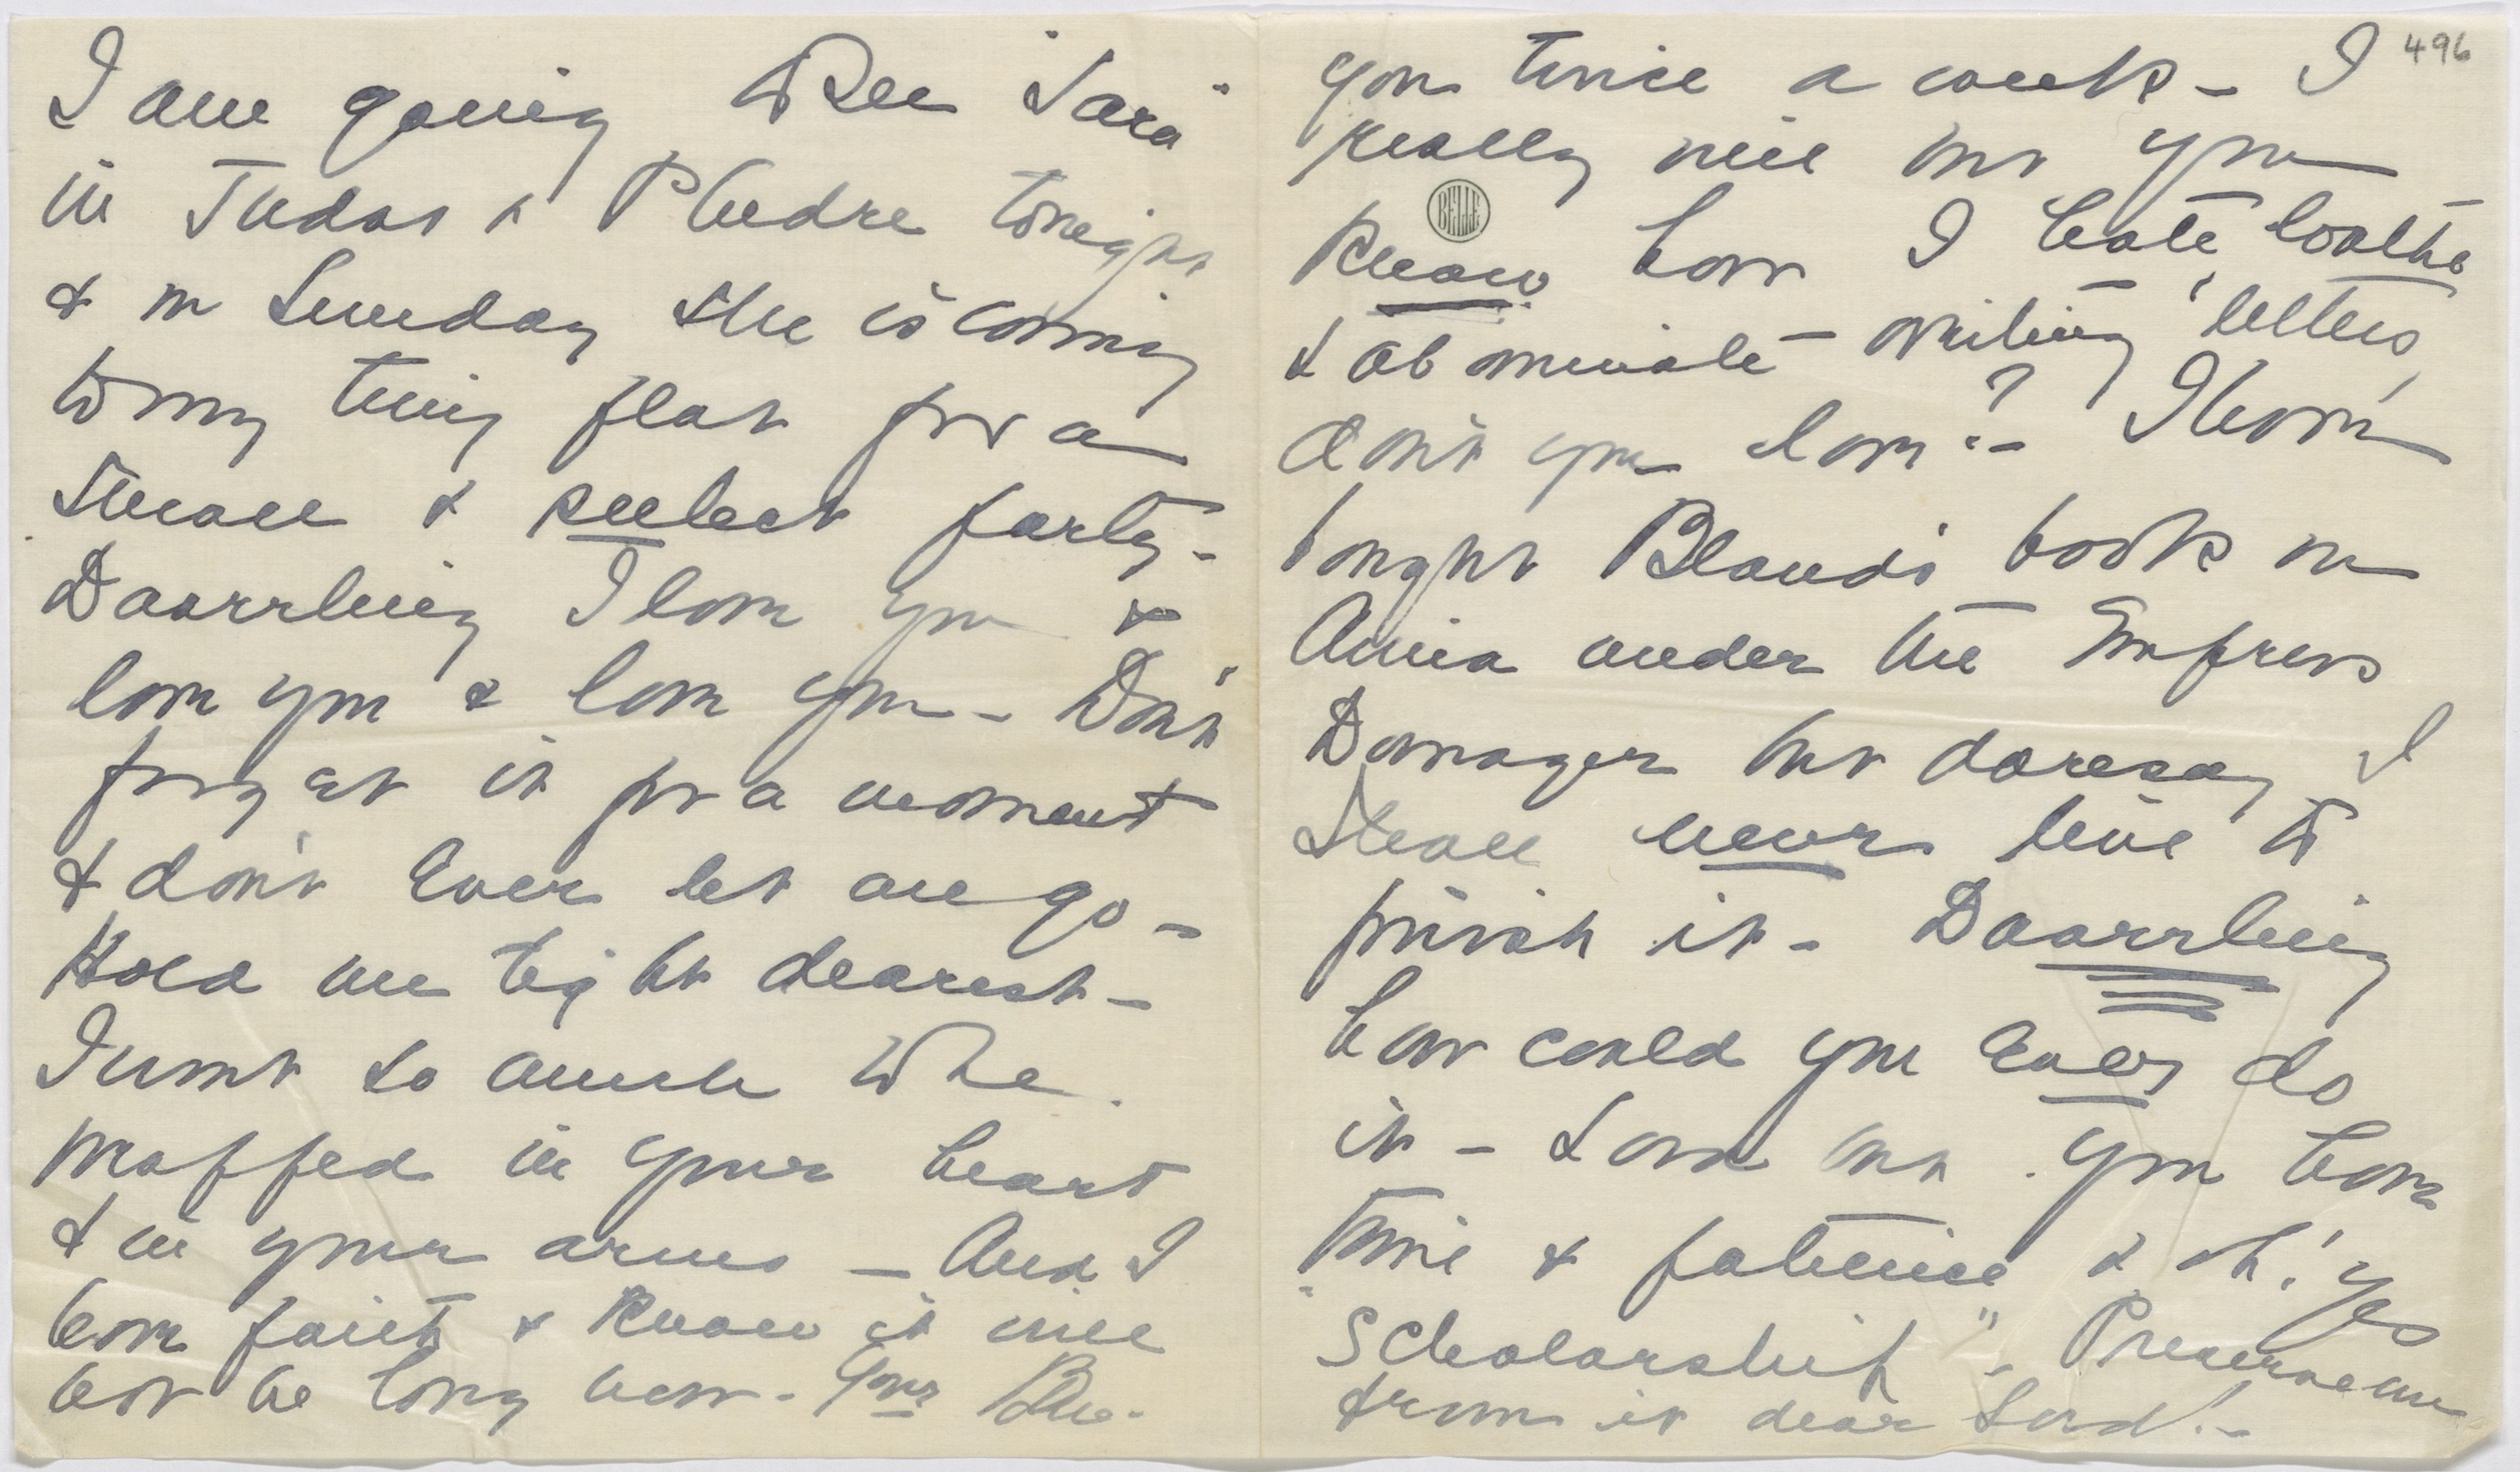you twice a week – I really will but you know how I hate, loathe & abominate writing letters, don’t you love? – I have bought Bland’s book on China under the Empress Dowager but daresay I shall never live to finish it – [quadruple underlined: Daarrling] how could you ever do it – Lord but you have time & patience & oh! Yes “scholarship” – Preserve me from it dear Lord! –
I am going to see “Sara” in Judas & Phedre tonight & on Sunday she is coming to my tiny flat for a small & seelect party – Daarrling I love you & love you & love you – Don’t forget it for a moment & don’t ever let me go – Hold me tight dearest – I want so much to be wrapped in your heart & in your arms – And I have faith & know it will not be long now – Your Belle –